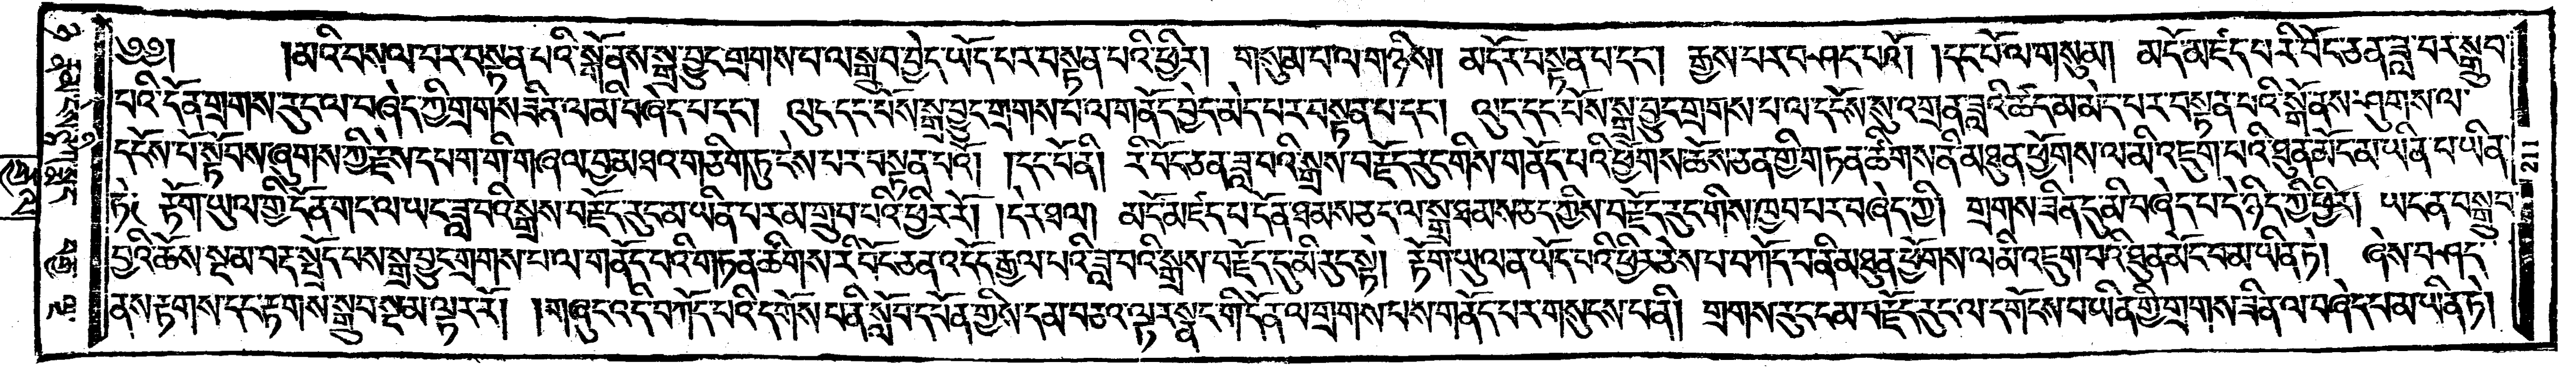༄༅། །མའི་བསལ་བར་བསྟན་པའི་སྒོ་ནས་སྒྲ་བྱུང་གྲགས་པ་ལ་སྒྲུབ་བྱེད་ཡོད་པར་བསྟན་པའི་ཕྱིར། གསུམ་པ་ལ་གཉིས། མདོར་བསྟན་པ་དང་། རྒྱས་པར་བཤད་པའོ། །དང་པོ་ལ་གསུམ། མདོ་མཛད་པ་རི་བོང་ཅན་ཟླ་བར་སྒྲུབ་
པའི་དོན་གྲགས་རུང་ལ་བཞེད་ཀྱི་གྲགས་ཟིན་ལ་མི་བཞེད་པ་དང་། ལུང་དང་པོས་སྒྲ་བྱུང་གྲགས་པ་ལ་གནོད་བྱེད་མེད་པར་བསྟན་པ་དང་། ལུང་དང་པོས་སྒྲ་བྱུང་གྲགས་པ་ལ་དངོས་སུ་འགྲན་ཟླའི་ཚད་མ་མེད་པར་བསྟན་པའི་སྒོ་ནས་ཤུགས་ལ་
དངོས་པོ་སྟོབས་ཞུགས་ཀྱི་རྗེས་དཔག་གི་གཞལ་བྱ་མཐའ་གཅིག་ཏུ་ངེས་པར་བསྟན་པའོ། །དང་པོ་ནི། རི་བོང་ཅན་ཟླ་བའི་སྒྲས་བརྗོད་རུང་གིས་གནོད་པའི་ཕྱོགས་ཆོས་ཅན་གྱི་གཏན་ཚིགས་ནི་མཐུན་ཕྱོགས་ལ་མི་འཇུག་པའི་ཐུན་མོང་མ་ཡིན་པ་ཡིན་
ཏེ༑ རྟོག་ཡུལ་གྱི་དོན་གང་ལ་ཡང་ཟླ་བའི་སྒྲས་བརྗོད་རུང་མ་ཡིན་པར་མ་གྲུབ་པའི་ཕྱིར་རོ། །དེར་ཐལ། མདོ་མཛད་པ་དོན་ཐམས་ཅད་ལ་སྒྲ་ཐམས་ཅད་ཀྱིས་བརྗོད་རུང་གིས་ཁྱབ་པར་བཞེད་ཀྱི། གྲགས་ཟིན་དུ་མི་བཞེད་པ་དེ་ཉིད་ཀྱི་ཕྱིར། ཡང་ན་བསྒྲུབ་
བྱའི་ཆོས་སྔ་མ་བརྡ་སྤྲོད་པས་སྒྲ་བྱུང་གྲགས་པ་ལ་གནོད་པའི་གཏན་ཚིགས་རི་བོང་ཅན་འདོད་རྒྱལ་བའི་ཟླ་བའི་སྒྲས་བརྗོད་དུ་མི་རུང་སྟེ། རྟོག་ཡུལ་ན་ཡོད་པའི་ཕྱིར་ཅེས་པ་བཀོད་པ་ནི་མཐུན་ཕྱོགས་ལ་མི་འཇུག་པའི་ཐུན་མོང་བ་མ་ཡིན་ཏེ། ཞེས་བཤད་
ནས་རྟགས་དང་རྟགས་སྒྲུབ་སྔ་མ་ལྟར་རོ། །གཞུང་འདི་བཀོད་པའི་དགོས་པ་ནི་སློབ་དཔོན་གྱིས་དམ་བཅའ་ལྟར་སྣང་གི་དོན་ལ་གྲགས་པས་གནོད་པར་གསུངས་པ་ནི། གྲགས་རུང་ངམ་བརྗོད་རུང་ལ་དགོངས་པ་ཡིན་གྱི་གྲགས་ཟིན་ལ་བཞེད་པ་མ་ཡིན་ཏེ།